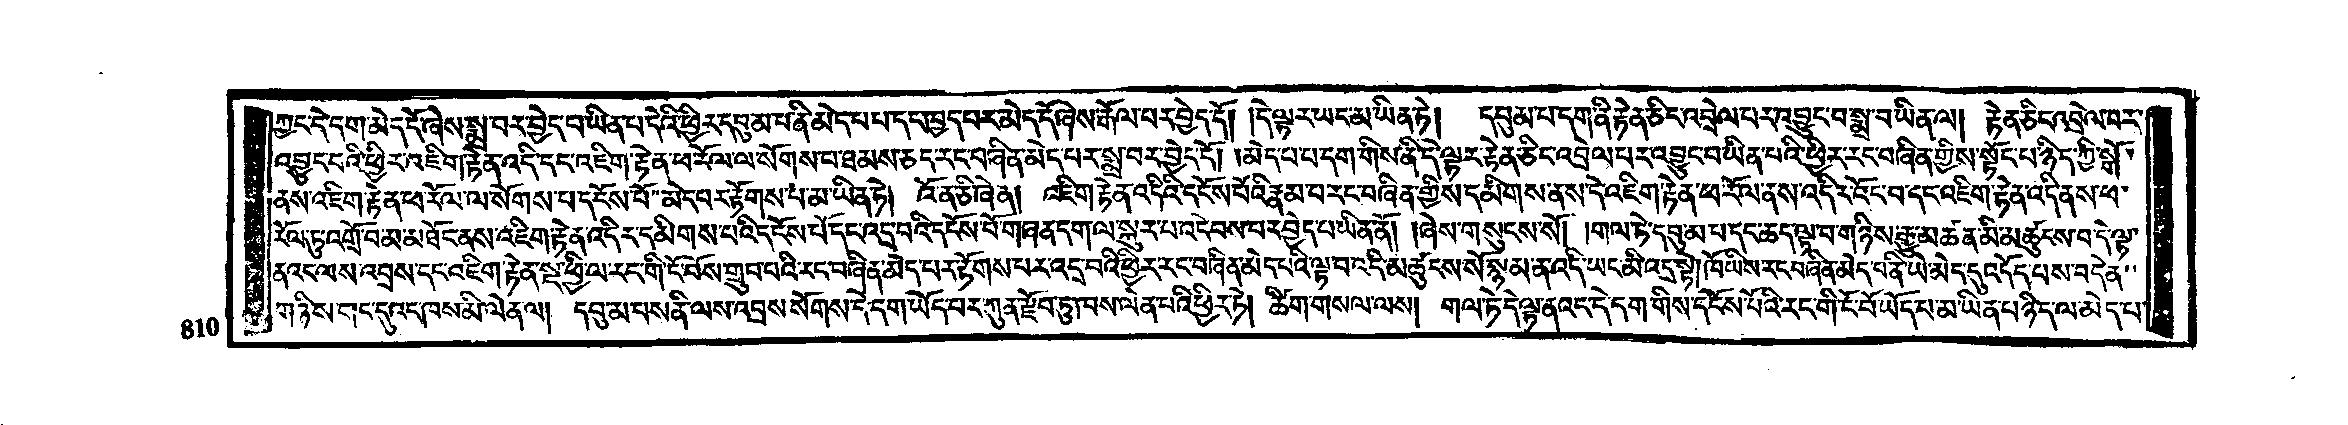ཀྱང་དེ་དག་མེད་དོ་ཞེས་སྨྲ་བར་བྱེད་པ་ཡིན་པ་དེའི་ཕྱིར་དབུ་མ་པ་ནི་མེད་པ་པ་དང་ཁྱད་པར་མེད་དོ་ཞེས་རྒོལ་བར་བྱེད་དོ། །དེ་ལྟར་ཡང་མ་ཡིན་ཏེ། དབུ་མ་པ་དག་ནི་རྟེན་ཅིང་འབྲེལ་པར་འབྱུང་བ་སྨྲ་བ་ཡིན་ལ། རྟེན་ཅིང་འབྲེལ་བར་
འབྱུང་བའི་ཕྱིར་འཇིག་རྟེན་འདི་དང་འཇིག་རྟེན་ཕ་རོལ་ལ་སོགས་པ་ཐམས་ཅད་རང་བཞིན་མེད་པར་སྨྲ་བར་བྱེད་དོ། །མེད་པ་པ་དག་གིས་ནི་དེ་ལྟར་རྟེན་ཅིང་འབྲེལ་པར་འབྱུང་བ་ཡིན་པའི་ཕྱིར་རང་བཞིན་གྱིས་སྟོང་པ་ཉིད་ཀྱི་སྒོ་
ནས་འཇིག་རྟེན་ཕ་རོལ་ལ་སོགས་པ་དངོས་པོ་མེད་པར་རྟོགས་པ་མ་ཡིན་ཏེ། འོ་ན་ཅི་ཞེ་ན། འཇིག་རྟེན་འདིའི་དངོས་པོའི་རྣམ་པ་རང་བཞིན་གྱིས་དམིགས་ནས་དེ་འཇིག་རྟེན་ཕ་རོལ་ནས་འདིར་འོང་བ་དང་འཇིག་རྟེན་འདི་ནས་ཕ་
རོལ་ཏུ་འགྲོ་བ་མ་མཐོང་ནས་འཇིག་རྟེན་འདིར་དམིགས་པའི་དངོས་པོ་དང་འདྲ་བའི་དངོས་པོ་གཞན་དག་ལ་སྐུར་པ་འདེབས་པར་བྱེད་པ་ཡིན་ནོ། །ཞེས་གསུངས་སོ། །གལ་ཏེ་དབུ་མ་པ་དང་ཆད་ལྟ་བ་གཉིས་རྒྱུ་མཚན་མི་མཚུངས་པ་དེ་ལྟ་
ནའང་ལས་འབྲས་དང་འཇིག་རྟེན་སྔ་ཕྱི་ལ་རང་གི་ངོ་བོས་གྲུབ་པའི་རང་བཞིན་མེད་པར་རྟོགས་པར་འདྲ་བའི་ཕྱིར་རང་བཞིན་མེད་པའི་ལྟ་བ་འདི་མཚུངས་སོ་སྙམ་ན་འདི་ཡང་མི་འདྲ་སྟེ། ཁོ་ཡིས་རང་བཞིན་མེད་པ་ནི་ཡེ་མེད་དུ་འདོད་པས་བདེན་
གཉིས་གང་དུའང་ཁས་མི་ལེན་ལ། དབུ་མ་པས་ནི་ལས་འབྲས་སོགས་དེ་དག་ཡོད་པར་ཀུན་རྫོབ་ཏུ་ཁས་ལེན་པའི་ཕྱིར་ཏེ། ཚིག་གསལ་ལས། གལ་ཏེ་དེ་ལྟ་ནའང་དེ་དག་གིས་དངོས་པོའི་རང་གི་ངོ་བོ་ཡོད་པ་མ་ཡིན་པ་ཉིད་ལ་མེད་པ་